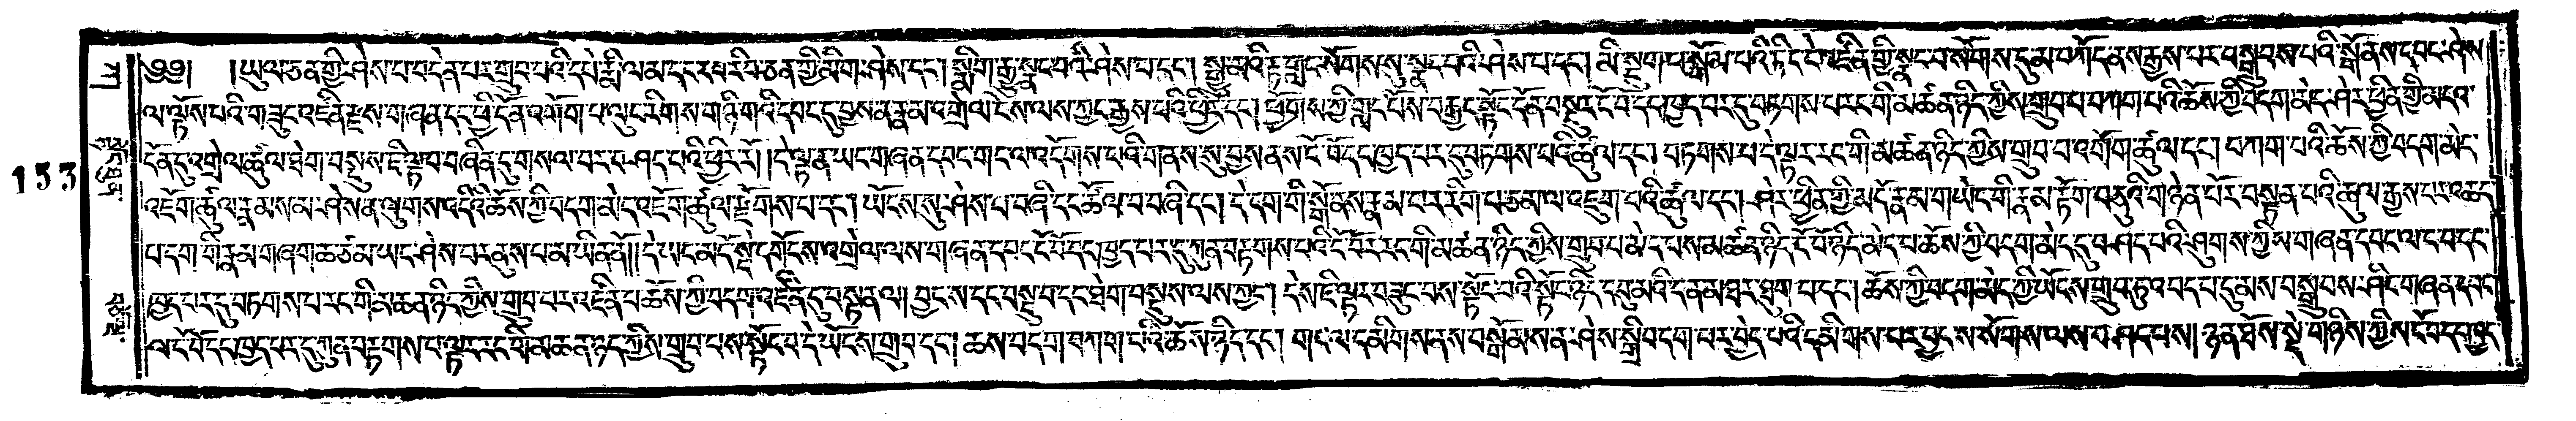༄༅། །ཡུལ་ཅན་གྱི་ཤེས་པ་བདེན་པར་གྲུབ་པའི་དཔེ་རྨི་ལམ་དང་རབ་རིབ་ཅན་གྱི་མིག་ཤེས་དང་། སྨིག་རྒྱུ་སྣང་བའི་ཤེས་པ་དང་། སྒྱུ་མའི་རྟ་གླང་སོགས་སུ་སྣང་བའི་ཤེས་པ་དང་། མི་སྡུག་པ་སྒོམ་པའི་ཏིང་ངེ་འཛིན་གྱི་སྣང་བ་སོགས་དུ་མ་བཀོད་ནས་རྒྱས་པར་བསྒྲུབས་པའི་སྒོ་ནས་དབང་ཤེས་
ལ་ལྟོས་པའི་གཟུང་འཛིན་རྫས་གཞན་དང་ཕྱི་དོན་འགོག་པ་ལུང་རིགས་གཉི་གའི་དབང་དུ་བྱས་ན་རྣམ་འགྲེལ་ངེས་ལས་ཀྱང་རྒྱས་པའི་ཕྱིར་དང་། ཕྱོགས་ཀྱི་གླང་པོས་བརྒྱད་སྟོང་དོན་བསྡུར་ངོ་བོ་དང་ཁྱད་པར་དུ་བཏགས་པ་རང་གི་མཚན་ཉིད་ཀྱིས་གྲུབ་པ་བཀག་པའི་ཆོས་ཀྱི་བདག་མེད་ཤེར་ཕྱིན་གྱི་མདའ་
དོན་དུ་འགྲེལ་ཚུལ་ཐེག་བསྡུས་ཇི་ལྟ་བ་བཞིན་དུ་གསལ་བར་བཤད་པའི་ཕྱིར་རོ། །དེ་ལྟ་ན་ཡང་གཞན་དབང་གང་ལ་འདོགས་པའི་གནས་སུ་བྱས་ནས་ངོ་བོ་དང་ཁྱད་པར་དུ་བཏགས་པའི་ཚུལ་དང་། བཏགས་པ་དེ་ལྟར་རང་གི་མཚན་ཉིད་ཀྱིས་གྲུབ་པ་འགོག་ཚུལ་དང་། བཀག་པའི་ཆོས་ཀྱི་བདག་མེད་
འཇོག་ཚུལ་རྣམས་མ་ཤེས་ན་ལུགས་འདིའི་ཆོས་ཀྱི་བདག་མེད་འཇོག་ཚུལ་རྫོགས་པ་དང་། ཡོངས་སུ་ཤེས་པ་བཞི་དང་ཚོལ་བ་བཞི་དང་། དེ་དག་གེ་སྒོ་ནས་རྣམ་པར་རིག་པ་ཙམ་ལ་འཇུག་པའི་ཚུལ་དང་། ཤེར་ཕྱིན་གྱི་མདོ་རྣམ་གཡེང་གི་རྣམ་རྟོག་བཅུའི་གཉེན་པོར་བསྟན་པའི་ཆུལ་རྒྱས་པར་འཆད་
པ་དག་གི་རྣམ་གཞག་ཆ་ཙམ་ཡང་ཤེས་བར་ནུས་པ་མ་ཡིན་ནོ། །དེ་ཡང་མདོ་སྡེ་དགོངས་འགྲེལ་ལས་གཞན་དབང་ངོ་བོ་དང་ཁྱད་པར་དུ་ཀུན་བརྟགས་པའི་ངོ་བོར་རང་གི་མཆན་ཉིད་ཀྱིས་གྲུབ་པ་མེད་པས་མཚན་ཉིད་ངོ་བོ་ཉིད་མེད་པ་ཆོས་ཀྱི་བདག་མེད་དུ་བཤད་པའི་ཤུགས་ཀྱིས་གཞན་དབང་ལང་བ་དང་
ཁྱད་པར་དུ་བཏགས་པ་རང་གི་མཚན་ཉིད་ཀྱིས་གྲུབ་པར་འཛིན་པ་ཆོས་ཀྱི་བདག་འཛིན་དུ་བསྟན་ལ། བྱང་ས་དང་བསྡུ་བ་དང་ཐེག་བསྡུས་ལས་ཀྱང་། དེས་ཇི་ལྟར་བཟུང་བས་སྟོང་པའི་སྟོང་ཉིད་དབུ་མའི་དན་མཐར་ཐུག་པ་དང་། ཆོས་ཀྱི་བདག་མེད་ཀྱི་ཡོངས་གྲུབ་ཏུ་འབད་པ་དུ་མས་བསྒྲུབས་ཤིང་གཞན་དབང་
ལ་ངོ་བོ་དང་ཁྱད་པར་དུ་ཀུན་བརྟགས་པ་ལྟར་རང་གི་མཚན་ཉིད་ཀྱིས་གྲུབ་པས་སྟོང་བ་དེ་ཡོངས་གྲུབ་དང་། ཆས་བདག་བཀག་པའི་ཆོས་ཉིད་དང་། གང་ལ་དམིགས་ནས་བསྒོམས་ན་ཤེས་སྒྲིབ་དག་པར་བྱེད་པའི་དམིགས་པར་བྱང་ས་སོགས་ལས་བཤད་པས། ཉན་ཐོས་སྡེ་གཉིས་ཀྱིས་ངོ་བོ་དང་ཁྱད་